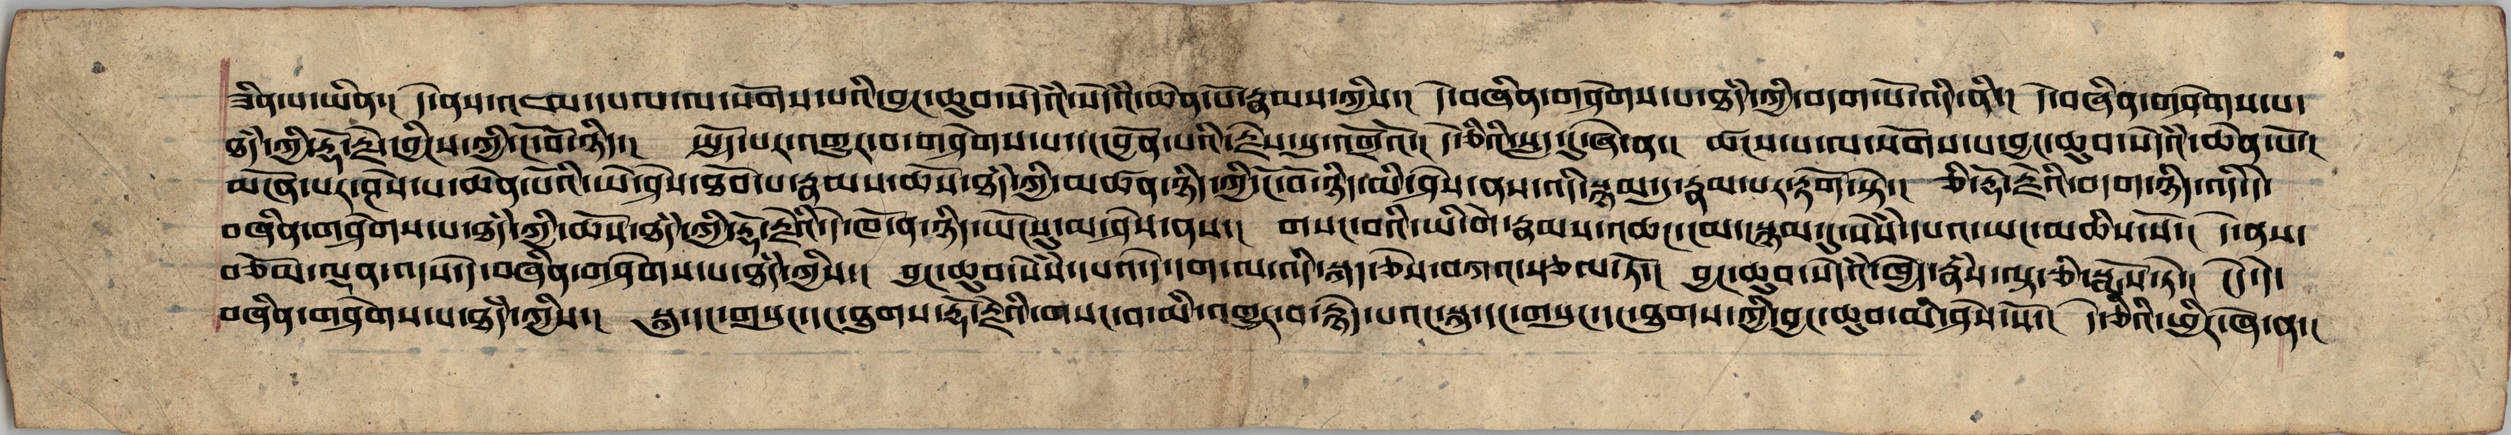ཟིན་པ་ཡིན་། དེ་ནས་འཇམ་དཔལ་ལ་སོགས་པའི་བྱང་ཆུབ་སེདཾའ་སེདཾའ་ཆེན་པོ་རྣམས་ཀྱིས་། དེ་བཞིན་གཤེགས་པ་ཐཾད་ཀྱི་བདག་པོ་འདི་ནི་། དེ་བཞིན་གཤེགས་པ་
ཐཾད་ཀྱི་རྡོ་རྗེ་དབྱིངས་ཀྱི་ངོ་བོ་ཉིད་། སྤྱོད་པར་འགྱུར་བ་གཤེགས་པ་དང་བྱོན་པའི་རྗེས་སུ་འགྲོའོ་། དེ་ཅིའི་སླད་དུ་ཞེ་ན་། ཚངས་པ་ལ་སོགས་པ་བྱང་ཆུབ་སེདཾའ་ཆེན་པོ་།
མངོན་པར་ཤེས་པ་ཆེན་པོའི་ཡེ་ཤེས་ཐོབ་པ་རྣམས་ཆོས་ཐཾད་ཀྱི་མཚན་ཉིད་ཀྱི་ངོ་བོ་ཉིད་མི་ཤེས་ནས་འདི་སྙམ་དུ་རྣམ་པར་རྟོག་སྟེ་། ཅི་རྡོ་རྗེའི་བདག་ཉིད་འདི་དེ་
བཞིན་གཤེགས་པ་ཐཾད་ཀྱི་ཆོས་ཐཾད་ཀྱི་རྡོ་རྗེའི་དེ་ཁོ་ན་ཉིད་ཡོངསུ་མ་ཤེས་ནས་། གསང་བའི་ཡི་གེ་རྣམས་འཆང་ངམ་སྙམ་དུ་སེསཾ་དཔའ་ཡང་མཆིས་སོ་། དེ་ནས་
བཅོམ་ལྡན་འདས་དེ་བཞིན་གཤེགས་པ་ཐཾད་ཀྱིས་། བྱང་ཆུབ་སེསཾ་དཔའ་དེ་དག་ལ་འདི་སྐད་ཅེས་བཀའ་སྩལ་ཏོ་། བྱང་ཆུབ་སེདཾའ་ཁྱེད་རྣཾས་ལྟ་ཅི་སྨོས་ཏེ་། ངེད་དེ་
བཞིན་གཤེགས་པ་ཐཾད་ཀྱིས་། སྐུ་དང་གསུང་དང་ཐུགས་རྡོ་རྗེའི་གསང་བ་མི་འགྱུར་བ་རྙེད་པའང་སྐུ་དང་གསུང་དང་ཐུགས་ཀྱི་བྱང་ཆུབ་མི་ཤེས་སོ་། དེ་ཅིའི་ཕྱིར་ཞེ་ན་།